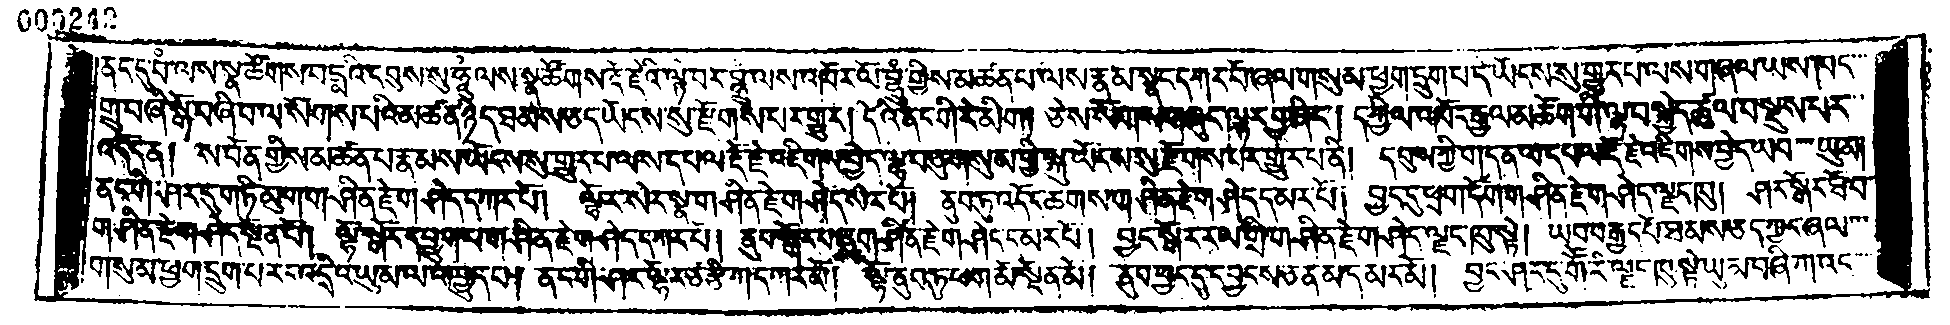ནང་དུ་བཾ་ལས་སྣ་ཚོགས་པདམའི་དབུས་སུ་ཧཱུཾ་ལས་སྣ་ཚོགས་རྡོ་རྗེའི་ལྟེ་བར་བྷྲུཾ་ལས་འཁོར་ལོ་བྷྲུཾ་གྱིས་མཚན་པ་ལས་རྣམ་སྣང་དཀར་པོ་ཞལ་གསུམ་ཕྱག་དྲུག་པ་དེ་ཡོངས་སུ་གྱུར་པ་ལས་གཞལ་ཡས་ཁང་
གྲུ་བཞི་སྒོ་བཞི་བ་ལ་སོགས་པའི་མཚན་ཉིད་ཐམས་ཅད་ཡོངས་སུ་རྫོགས་པར་གྱུར། དེའི་ནང་གི་རེ་མིག །ཅེས་སོགས་གཞུང་ལྟར་བྱ་ཞིང་། དཀྱིལ་འཁོར་རྒྱལ་མཆོག་གི་ལྷ་བསྐྱེད་ཚུལ་བསྡུས་པར་
འདོད་ན། ས་བོན་གྱིས་མཚན་པ་རྣམས་ཡོངས་སུ་གྱུར་པ་ལས་དཔལ་རྡོ་རྗེ་འཇིགས་བྱེད་ལྷ་བཅུ་གསུམ་གྱི་སྐུ་ཡོངས་སུ་རྫོགས་པར་གྱུར་པ་ནི། དབུས་ཀྱི་གདན་ལ་དཔལ་རྡོ་རྗེ་འཇིགས་བྱེད་ཡབ་ཡུམ།
ནང་གི་ཤར་དུ་གཏི་མུག་གཤིན་རྗེ་གཤེད་དཀར་པོ། ལྷོར་སེར་སྣ་གཤིན་རྗེ་གཤེད་སེར་པོ། ནུབ་ཏུ་འདོད་ཆགས་གཤིན་རྗེ་གཤེད་དམར་པོ། བྱང་དུ་ཕྲག་དོག་གཤིན་རྗེ་གཤེད་ལྗང་ཁུ། ཤར་སྒོར་ཐོ་བ་
གཤིན་རྗེ་གཤེད་སྔོན་པོ། ལྷོ་སྒོར་དབྱུག་པ་གཤིན་རྗེ་གཤེད་དཀར་པོ། ནུབ་སྒོར་པདམ་གཤིན་རྗེ་གཤེད་དམར་པོ། བྱང་སྒོར་རལ་གྲི་གཤིན་རྗེ་གཤེད་ལྗང་ཁུ་སྟེ། ཡབ་བརྒྱད་པོ་ཐམས་ཅད་ཀྱང་ཞལ་
གསུམ་ཕྱག་དྲུག་པ་རང་འདྲའི་ཡུམ་ལ་འཁྱུད་པ། ནང་གི་ཤར་ལྷོར་ཙ་རྩི་ཀ་དཀར་མོ། ལྷོ་ནུབ་ཏུ་ཕག་མོ་སྔོན་མོ། ནུབ་བྱང་དུ་དབྱངས་ཅན་མ་དམར་མོ། བྱང་ཤར་དུ་གཽ་རི་ལྗང་ཁུ་སྟེ་ཡུམ་བཞི་ཀའང་